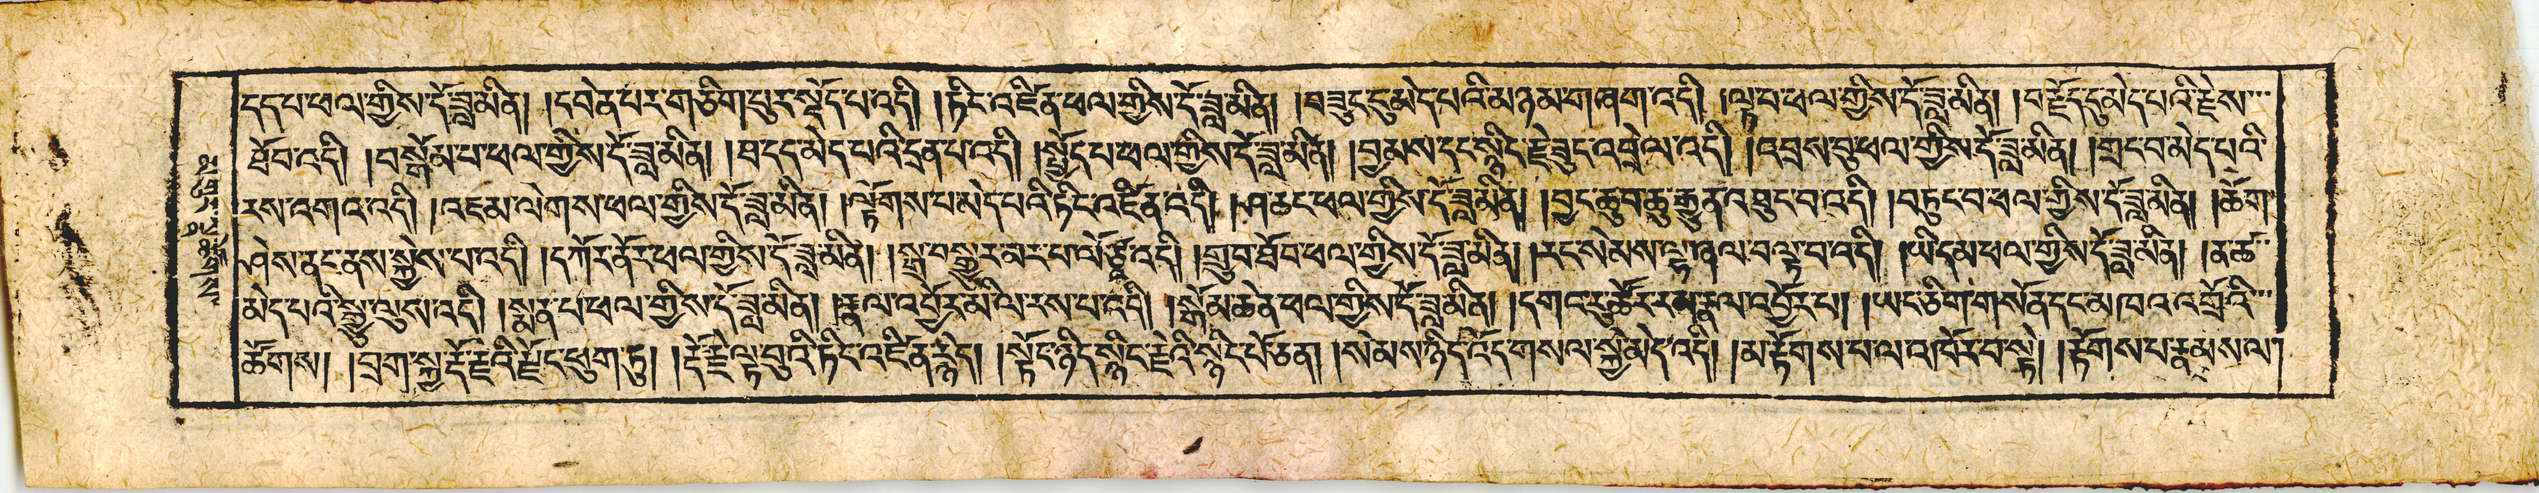དད་པ་ཕལ་གྱིས་དོ་ཟླ་མིན། །དབེན་པར་གཅིག་པུར་སྡོད་པ་འདི། །ཏིང་འཛིན་ཕལ་གྱིས་དོ་ཟླ་མིན། །བཟུང་དུ་མེད་པའི་མཉམ་གཞག་འདི། །ལྟ་བ་ཕལ་གྱིས་དོ་ཟླ་མིན། །བརྗོད་དུ་མེད་པའི་རྗེས་
ཐོབ་འདི། །བསྒོམ་པ་ཕལ་གྱིས་དོ་ཟླ་མིན། །ཐ་དད་མེད་པའི་དྲན་པ་འདི། །སྤྱོད་པ་ཕལ་གྱིས་དོ་ཟླ་མིན། །བྱམས་དང་སྙིང་རྗེ་ཟུང་འབྲེལ་འདི། །འབྲས་བུ་ཕལ་གྱིས་དོ་ཟླ་མིན། །གྲང་བ་མེད་པའི་
རས་འགའ་འདི །འཇམ་ལེགས་ཕལ་གྱིས་དོ་ཟླ་མིན། །ལྟོགས་པ་མེད་པའི་ཏིང་འཛིན་འདི། །ཤ་ཆང་ཕལ་གྱིས་དོ་ཟླ་མིན། །བྱང་ཆུབ་ཆུ་རྒྱུན་འཐུང་བ་འདི། །བཏུང་བ་ཕལ་གྱིས་དོ་ཟླ་མིན། །ཆོག་
ཤེས་ནང་ནས་སྐྱེས་པ་འདི། །དཀོར་ནོར་ཕལ་གྱིས་དོ་ཟླ་མིན། །སྒྲ་བསྒྱུར་བར་པ་ལོ་ཙཱ་འདི། །གྲུབ་ཐོབ་ཕལ་གྱིས་དོ་ཟླ་ཡིན། །རང་སེམས་ལྷ་ཞལ་བལྟ་བ་འདི། །ཡི་དམ་ཕལ་གྱིས་དོ་ཟླ་མིན། །ན་ཚ་
མེད་པའི་སྒྱུ་ལུས་འདི། །སྨན་པ་ཕལ་གྱིས་དོ་ཟླ་མིན། །རྣལ་འབྱོར་མལ་རས་པ་འདི། །སྒོམ་ཆེན་ཕལ་གྱིས་དོ་ཟླ་མིན། །དགའ་རུ་ཚོར་རམ་རྣལ་འབྱོར་པ། །ཡང་ཅིག་གསན་དང་མཁའ་འགྲོའི་
ཚོགས། །བྲག་སྐྱ་རྡོ་རྗེའི་རྫོང་ཕུག་ཏུ། །རྡོ་རྗེ་ལྟ་བུའི་ཏིང་འཛི་རྙེད། །སྟོང་ཉིད་སྙིང་རྗེའི་སྙིང་པོ་ཅན། །སེམས་ཉིད་འོད་གསལ་སྐྱེ་མེད་འདི། །མ་རྟོགས་པ་ལ་འཁོར་བ་སྟེ། །རྟོགས་པ་རྣམས་ལ་